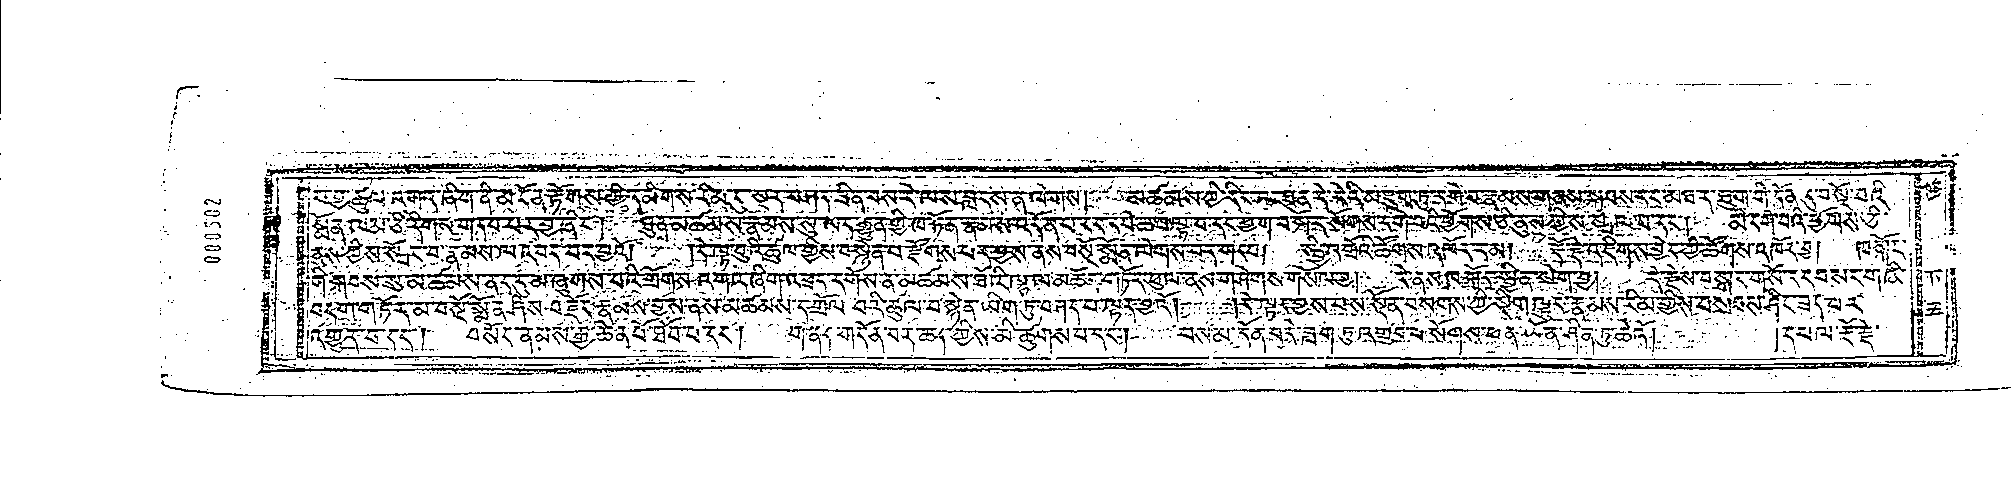པ་བྱ་ཚུལ་འགའ་ཞིག་ནི་མངོན་རྟོགས་ཀྱི་དམིགས་རིམ་དུ་སྔར་བཤད་ཟིན་བས་རེ་ལས་བླངས་ན་ལེགས། མཚམས་ཀྱི་རིང་ལ་ཐུན་རེ་རེའི་མཇུག་ཏུ་དགེ་བ་རྣམས་གནས་སྐབས་དང་མཐར་ཐུག་གི་དོན་དུ་བསྔོ་བའི་
སྨོན་ལམ་ཅི་རིགས་གདབ་པར་བྱ་ཞིང་། ཐུན་མཚམས་རྣམས་སུ་ལང་རྒྱུན་གྱི་ཁ་ཏོན་རྣམས་འདོན་པ་དང་དཔེ་ཆ་བལྟ་བ་དང་ཕྱག་བསྐོར་སོགས་དགེ་བའི་ཕྱོགས་ཅི་ནུས་ཀྱིས་སྤེལ་བ་དང་། མི་དགེ་བའི་ཕྱོགས་ཅི་
ནུས་ཀྱིས་སྤོང་བ་རྣམས་ལ་འབད་བར་བྱའོ། །དེ་ལྟ་བུའི་ཚུལ་གྱིས་བསྙེན་པ་རྫོགས་པར་བྱས་ནས་བསྔོ་སྨོན་ལེགས་བར་གདབ། སྤྱི་འགྲོའི་ཚོགས་འཁོར་རམ། རྡོ་རྗེ་འཇིགས་བྱེད་ཀྱི་ཚོགས་འཁོར་བྱ། ཁ་སྐོང་
གི་སྐབས་སུ་མཚམས་ནང་དུ་མ་ཞུགས་བའི་གྲོགས་འགའ་ཞིག་འཕྲད་དགོས་ན་མཚམས་ཐོའི་ལྷ་ལ་མཆོད་གཏོར་ཕུལ་ནས་གཤེགས་གསོལ་བྱ། དེ་ནས་ཁ་སྐོད་སྦྱིན་སྲེག་བྱ། དེ་རྗེས་བསྐང་གསོ་དང་བསང་གཞི་
བདག་གཏོར་མ་བསྔོ་སྨོན་ཤིས་བརྗོད་རྣམས་བྱས་ནས་མཚམས་དགྲོལ་བའི་ཚུལ་བསྙེན་ཡིག་ཏུ་བཤད་པ་ལྟར་བྱའོ། །དེ་ལྟར་བྱས་པས་སྔོན་བསགས་ཀྱི་སྡིག་ལྟུང་རྣམས་རིམ་གྱིས་བསྲབས་ཤིང་ཟད་པར་
འགྱུར་བ་དང་། བསོད་ནམས་རྒྱ་ཆེན་པོ་ཐོབ་པ་དང་། །ནད་གདོན་བར་ཆད་ཀྱིས་མི་ཚུགས་པ་དང་། བསམ་དོན་བདེ་བླག་ཏུ་འགྲུབ་པ་སོགས་ཕན་ཡོན་ཤིན་ཏུ་ཆེའོ། །དཔལ་རྡོ་རྗེ་